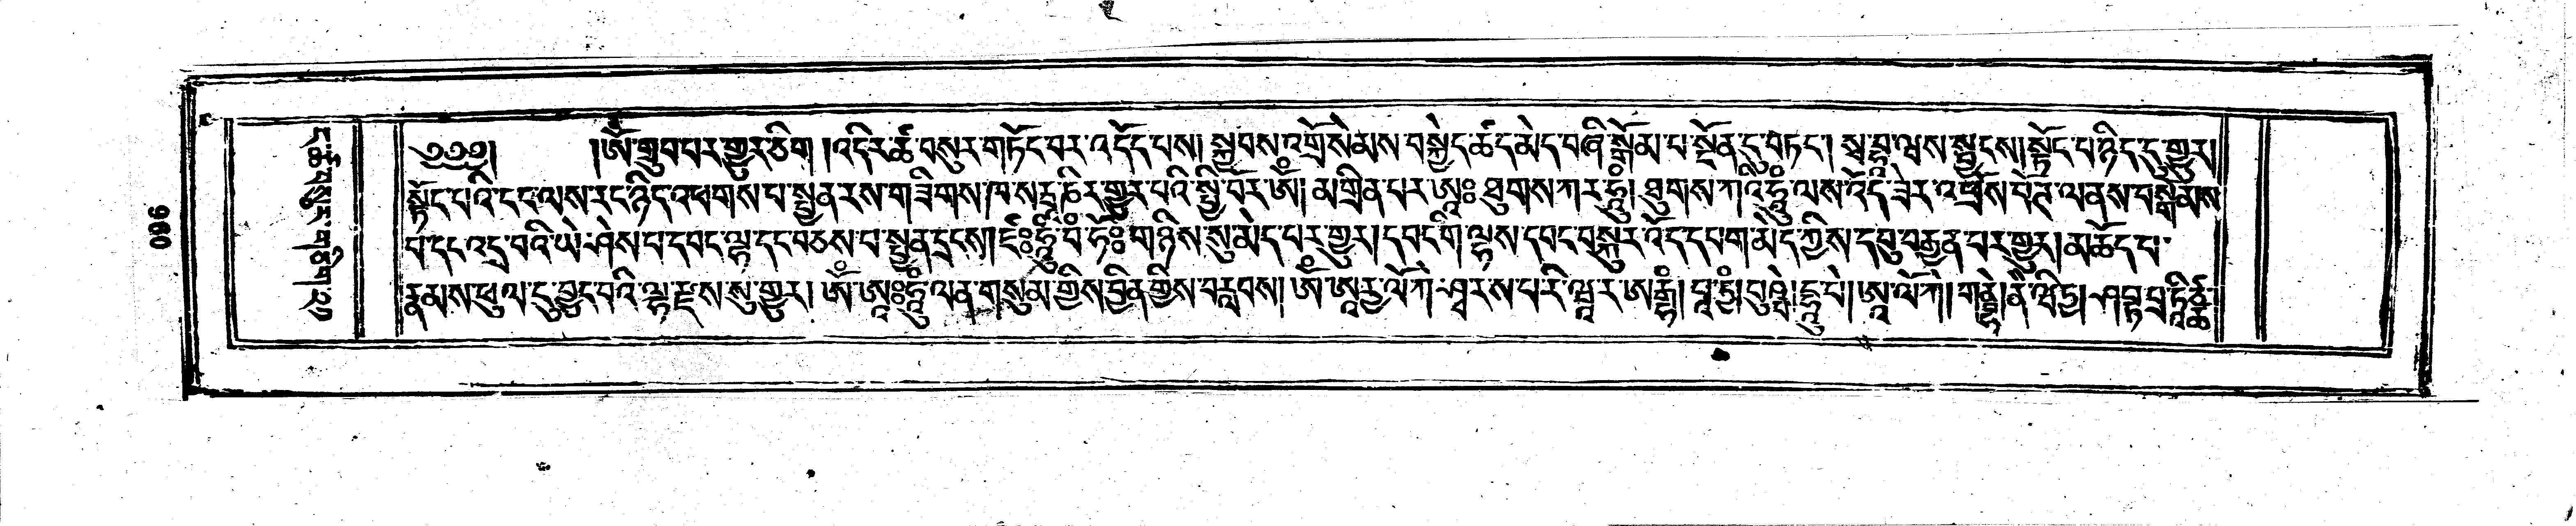༄༅༅། །ཨོཾ་གྲུབ་པར་གྱུར་ཅིག །འདིར་ཚ་བསུར་གཏོང་བར་འདོད་པས། སྐྱབས་འགྲོ་སེམས་བསྐྱེད་ཚད་མེད་བཞི་སྒོམ་པ་སྔོན་དུ་བཏང་། སྭ་བྷཱ་ཝས་སྦྱངས། སྟོང་པ་ཉིད་དུ་གྱུར།
སྟོང་པའི་ངང་ལས་རང་ཉིད་འཕགས་པ་སྤྱན་རས་གཟིགས་ཁ་སརྤཱ་ཎིར་གྱུར་པའི་སྤྱི་བོར་ཨོཾ། མགྲིན་པར་ཨཱཿ ཐུགས་ཀར་ཧཱུཾ། ཐུགས་ཀའི་ཧཱུཾ་ལས་འོད་ཟེར་འཕྲོས་པོཊ་ལ་ནས་བསྒོམས་
པ་དང་འདྲ་བའི་ཡེ་ཤེས་པ་དབང་ལྷ་དང་བཅས་པ་སྤྱན་དྲངས། ཛཿ ཧཱུཾ་བཾ་ཧོཿ གཉིས་སུ་མེད་པར་གྱུར། དབང་གི་ལྷས་དབང་བསྐུར་འོད་དཔག་མེད་ཀྱིས་དབུ་བརྒྱན་པར་གྱུར། མཆོད་པ་
རྣམས་ཕུལ་དུ་བྱུང་བའི་ལྷ་རྫས་སུ་གྱུར། ཨོཾ་ཨཱཿ ཧཱུཾ་ལན་གསུམ་གྱིས་བྱིན་གྱིས་བརླབས། ཨོཾ་ཨཱརྱ་ལོ་ཀེ་ཤྭར་ས་པ་རི་ཝཱར་ཨརྒྷཾ། པཱ་ཏྱཾ། པུཥྤེ། ཨཱ་ལོ་ཀེ། གནྡྷེ། ནཻ་ཝིཏྱ། ཤཔྟ་པྲ་ཏཱིཙྪ་